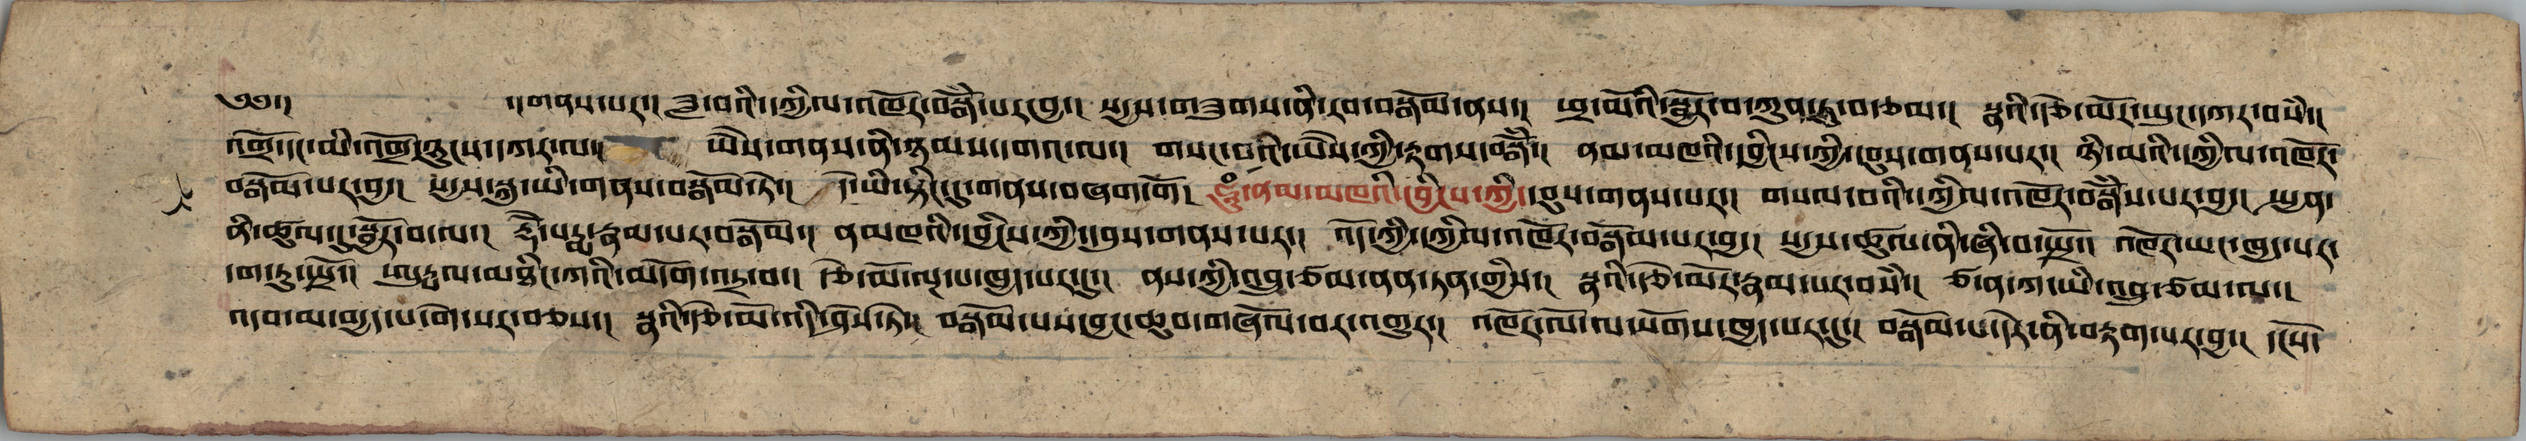༄༅་། ་།གནས་པར་། ཟླ་བའི་དཀྱིལ་འཁོར་བསྒོཾ་པར་བྱ་། སདྱས་གཟུགས་ནི་རབ་བསྒོམ་ནས་། ཕྲ་མོའི་སྦྱོར་བ་ཀུན་ཏུ་བརྩམ་། སྣའི་རྩེ་མོར་ཡུང་དཀར་བསཾ་།
འགྲོ་དང་མི་འགྲོ་ཉུངས་དཀར་ལ་། ཡཻས་གནས་ནི་ཉམས་དགའ་ལ་། གསང་བའི་ཡཻས་ཀྱི་རྟགས་བསྒོཾ་། ནམ་མཁའི་དབྱིངས་ཀྱི་དབུས་གནས་པར་། ཉི་མའི་དཀྱིལ་འཁོར་
བསྒོམ་པར་བྱ་། སདྱས་སྐུ་ཡི་གནས་བསྒོམ་ཏེ་། དེ་ཡི་སྟིང་དུ་གནས་བཞག་གོ། ཧཱུཾ་ནམ་མཁའི་དབྱིངས་ཀྱི་དབུས་གནས་པར་། གསལ་བའི་དཀྱིལ་འཁོར་བསྒོཾས་པར་བྱ་། སྤྱན་
ནི་ཚུལ་དུ་སྦྱོར་བ་ལ་། རྡོེ་པདྨ་རྣམ་པར་བསྒོམ་། ནམཁའི་དབྱིངས་ཀྱི་དབུས་གནས་པར་། འདོ་ཀྱི་དཀྱིལ་འཁོར་བསྒོམ་པར་བྱ་། སདྱས་ཚུལ་ནི་ཞི་བ་སྤྲོ་། འཁོར་ཡང་ཁྱད་པར་
དག་ཏུ་སྤྲོ་། ཨུཏྤལ་མཐིང་ཀའི་མདོག་འདྲ་བ་། རྩེ་མོ་ལྔ་པ་ཁྱད་པར་དུ་། ནསཀྱི་འབྲུ་ཙམ་ནན་ཏན་གྱིས་། སྣའི་རྩེ་མོར་རྣམ་པར་བསཾ་། ཙ་ན་ཀ་ཡི་འབྲུ་ཙམ་ལ་།
འདབ་མ་བརྒྱད་པ་གེ་སར་བཅས་། སྣའི་རྩེ་མོ་འདི་ཤེས་ཏེ་། བསྒོམ་པས་བྱང་ཆུབ་གཞོལ་བར་འགྱུར་། འཁོར་ལོ་ལ་སོགས་ཁྱད་པར་དུ་། བསྒོམ་པ་དེར་ནི་བརྟག་པར་བྱ་། དངོས་